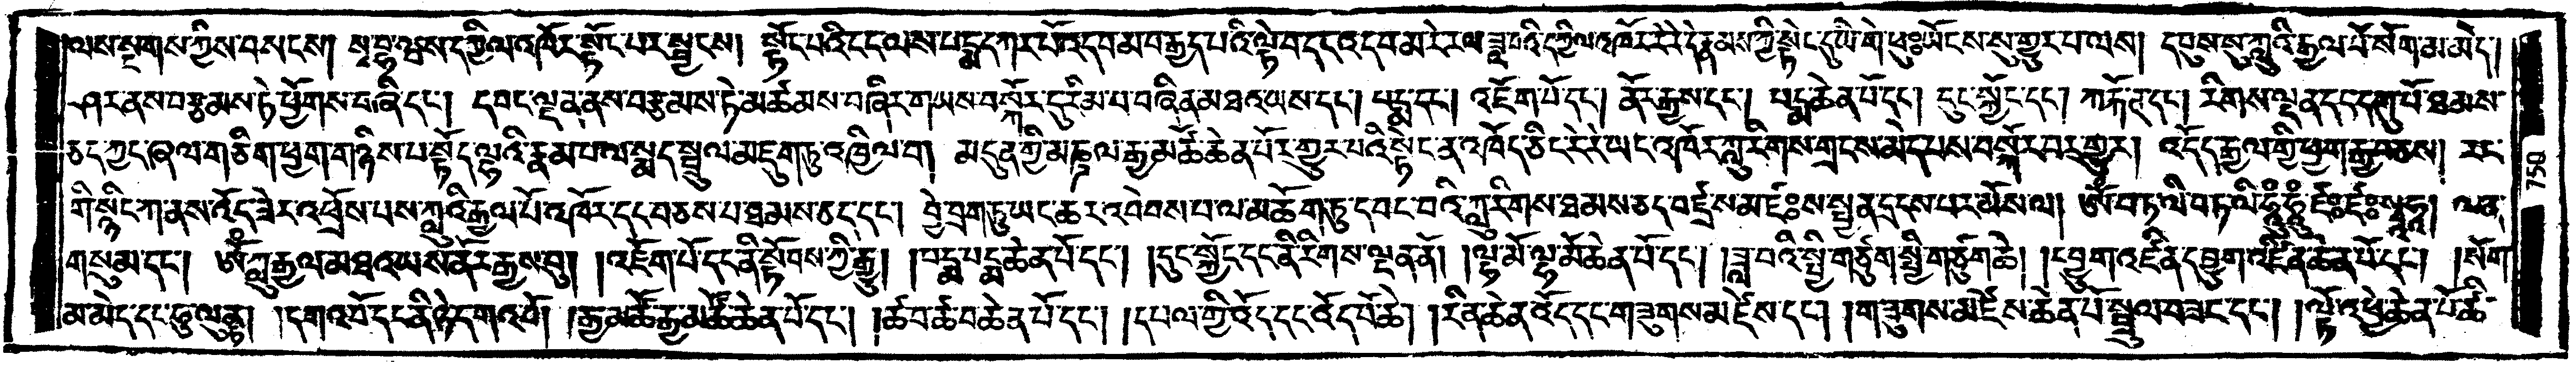ལས་སྔགས་ཀྱིས་བསངས། སྭབྷ་ཝས་དཀྱིལ་འཁོར་སྟོང་པར་སྦྱངས། སྟོང་པའི་ངང་ལས་པདམ་དཀར་པོ་འདབ་མ་བརྒྱད་པའི་ལྟེ་བ་དང་འདབ་མ་རེ་རེལ་ཟླ་བའི་དཀྱིལ་འཁོར་རེ་རེ་དེ་རྣམས་ཀྱི་སྟེང་དུ་ཡེ་གེ་ཕུཿ ཡོངས་སུ་གྱུར་པ་ལས། དབུས་སུ་ཀླུའི་རྒྱལ་པོ་སོགས་མ་མེད།
ཤར་ནས་བརྩམས་ཏེ་ཕྱོགས་བཞི་དང་། དབང་ལྡན་ནས་བརྩམས་ཏེ་མཚམས་བཞིར་གཡས་བསྐོར་དུ་རིམ་པ་བཞིན་མཐའ་ཡས་དང་། པདམ་དང་། འཇོག་པོ་དང་། ནོར་རྒྱས་དང་། པདམ་ཆེན་པོ་དང་། དུང་སྐྱོང་དང་། ཀརྐོ་ཊ་དང་། རིགས་ལྡན་དང་དགུ་པོ་ཐམས་
ཅད་ཀྱང་ཞལ་གཅིག་ཕྱག་གཉིས་པ་སྟོད་ལྷའི་རྣམ་པ་ལ་སྨད་སྦྲུལ་མཇུག་ཏུ་འཁྱིལ་བ། མདུན་གྱི་མཎྜལ་རྒྱ་མཚོ་ཆེན་པོར་གྱུར་པའི་སྟེང་ན་འཁོད་ཅིང་རེ་རེ་ཡང་འཁོར་ཀླུ་རིགས་གྲངས་མེད་པས་བསྐོར་བར་འགྱུར། འདོད་རྒྱལ་གྱི་ཕྱག་རྒྱ་བཅས། རང་
གི་སྙིང་ནས་འོད་ཟེར་འཕྲོས་པས་ཀླུའི་རྒྱལ་པོ་འཁོར་དང་བཅས་པ་ཐམས་ཅད་དང་། བྱེ་བྲག་ཏུ་ཡང་ཆར་འབེབས་པ་ལ་མཆོག་ཏུ་དབང་བའི་ཀླུ་རིགས་ཐམས་ཅད་བཛྲ་ས་མ་ཛཿ ས་སྤྱན་དྲངས་པར་མོས་ལ། ཨོཾ་བ་ཏ་ལི་བ་ཏ་ལི་ཧཱུཾ་ཧཱུཾ་ཛཿ ཛཿ སྭཱཧཱ། ལན་
གསུམ་དང་། ཨོཾ་ཀླུ་རྒྱལ་མཐའ་ཡས་ནོར་རྒྱས་བུ། །འཇོག་པོ་དང་ནི་སྟོབས་ཀྱི་རྒྱུ། །པདམ་པདམ་ཆེན་པོ་དང་། །དུང་སྐྱོད་དང་ནི་རིགས་ལྡན་ནོ། །ལྷ་མོ་ལྷ་མོ་ཆེན་པོ་དང་། །ཟླ་བའི་སྤྱི་གཙུག་སྤྱི་གཙུག་ཆེ། །དབྱུག་འཛིན་དབྱུག་འཛིན་ཆེན་པོ་དང་། །སོག་
མ་མེད་དང་ཧཱ་ལུནྟ། །དགའ་བོ་དང་ནི་ཉེ་དག་འགོ། །རྒྱ་མཚོ་རྒྱ་མཚོ་ཆེན་པོ་དན། །ཚབ་ཚབ་ཆེན་པོ་དང་། །དཔལ་ཀྱི་འོད་དང་འོད་པོ་ཆེ། །རིན་ཆེན་འོད་དང་གཟུགས་མཛེས་དང་། །གཟུགས་མཛེས་ཆེན་པོ་སྤྲུལ་བཟང་དང་། །ལྟོ་འཕྱེ་ཆེན་པོ་ཆི་